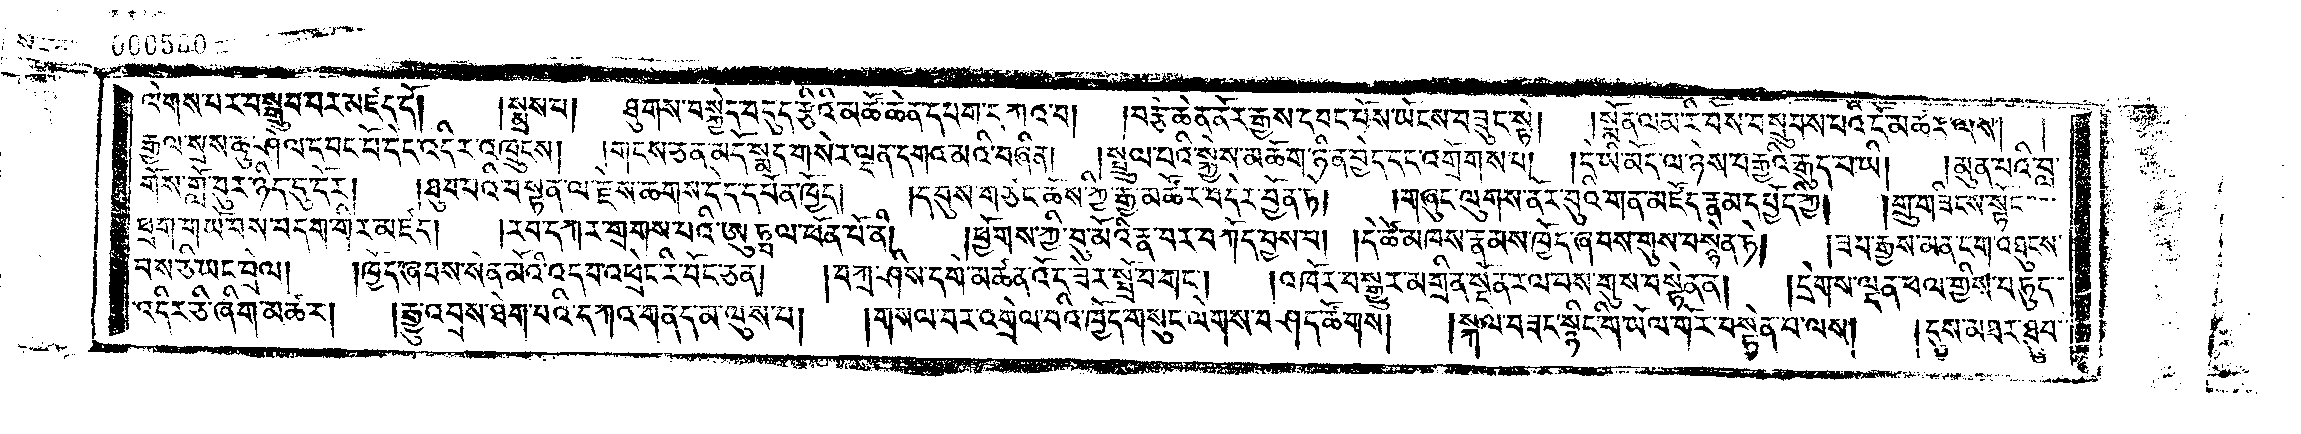ལེགས་པར་བསྒྲུབ་པར་མཛད་དོ། །སྨྲས་པ། ཐུགས་བསྐྱེད་བདུད་རྩིའི་མཚོ་ཆེན་དཔག་དཀའ་བ། །བརྩེ་ཆེན་ནོར་རྒྱས་དབང་པོས་ཡོངས་བཟུང་སྟེ། །སྨོན་ལམ་རི་བོས་བསྲུབས་པའི་ངོ་མཚར་ལས། །
རྒྱལ་སྲས་ཆུ་ཤེལ་དབང་པོ་དེང་འདིར་འཁྲུངས། །གངས་ཅན་མདོ་སྨད་གསེར་ལྡན་དགའ་མའི་བཞིན། །སྤྲུལ་བའི་སྐྱེས་མཆོག་ཉིན་བྱེད་དང་འགྲོགས་པ། །དེ་ཡི་མོད་ལ་ཉེས་བརྒྱའི་རྒུད་པ་ཡི། །མུན་པའི་བླ་
གོས་གློ་བུར་ཉིད་དུ་དོར། །ཐུབ་པའི་བསྟན་ལ་རྗེས་ཆགས་དེད་དཔོན་ཁྱོད། །དབུས་གཙང་ཆོས་ཀྱི་རྒྱ་མཚོར་བདེར་བྱོན་ཏེ། །གཞུང་ལུགས་ནོར་བུའི་གན་མཛོད་རྣམ་དཔྱོད་ཀྱི། །གྲུ་གཟིངས་སྟོང་
ཕྲག་གཡོ་བས་བདག་གིར་མཛད། །རབ་དཀར་གྲགས་པའི་ཨུཏྤལ་ཕོན་པོ་ནི། །ཕྱོགས་ཀྱི་བུ་མོའི་རྣ་བར་བཀོད་བྱས་པ། །དེ་ཚེ་མཁས་རྣམས་ཁྱོད་ཞབས་གུས་བསྙེན་ཏེ། །ཟབ་རྒྱས་མན་ངག་འཐུངས་
བས་ཅི་ཡང་བྲེལ། །ཁྱོད་ཞབས་སེན་མོའི་འདབ་འཕྲེང་རི་བོང་ཅན། །བཀྲ་ཤིས་དགེ་མཚན་འོད་ཟེར་སྤྲོ་བ་གང་། །འཁོར་བསྒྱུར་མགྲིན་སྔོན་རལ་བས་གུས་བསྟེན་ན། །དྲེགས་ལྡན་ཕལ་གྱིས་བཏུད་
འདིར་ཅི་ཞིག་མཚར། །རྒྱུ་འབྲས་ཐེག་བའི་དཀའ་གནད་མ་ལུས་པ། །གསལ་བར་འགྲེལ་བའི་ཁྱོད་གསུང་ལེགས་བཤད་ཚོགས། །སྐལ་བཟང་སྙིང་གི་ཡོལ་གོར་བསྟེན་པ་ལས། །དུས་མཐར་ཐུབ་